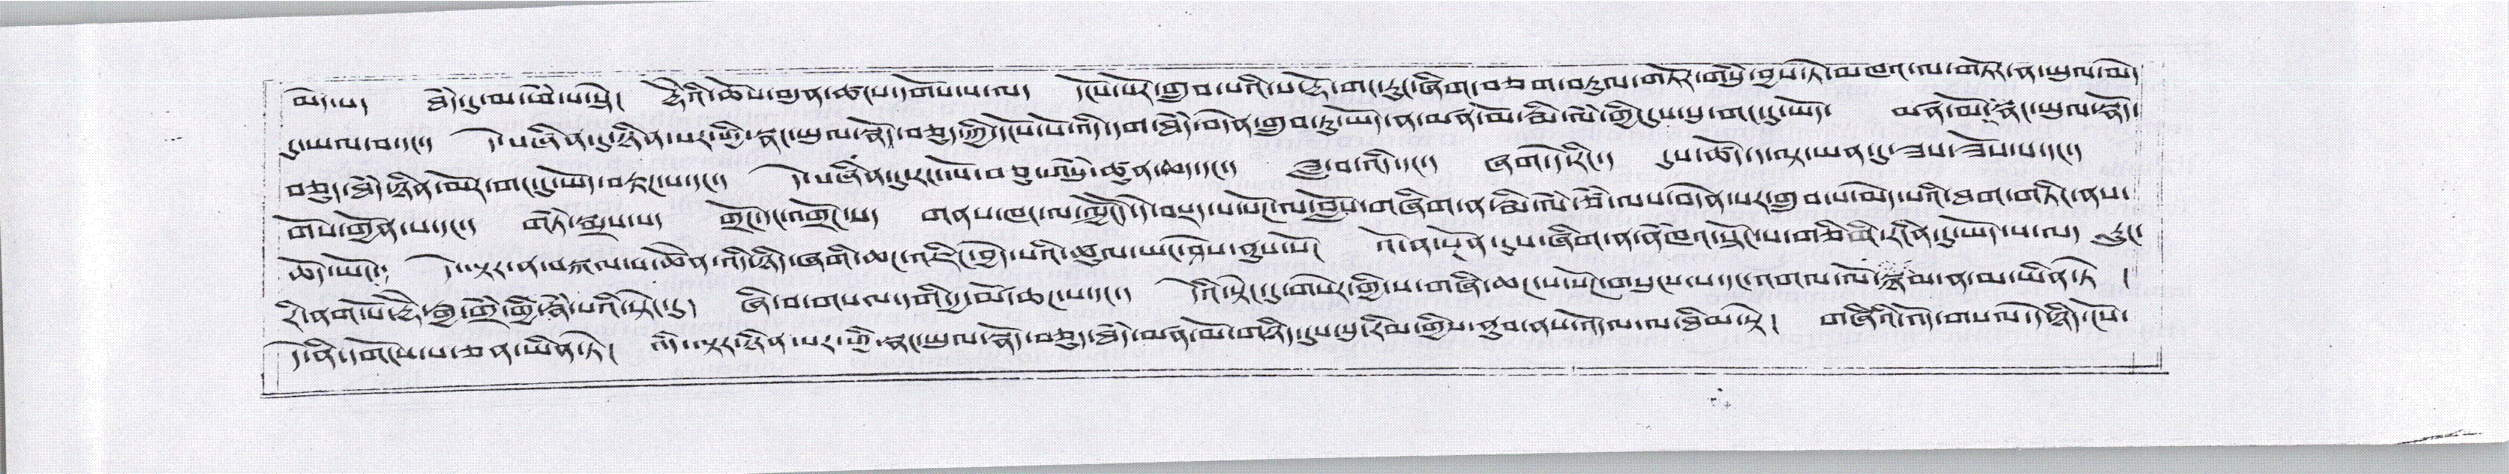མེད་པ། ཐམས་ཅད་དུ་མ་ཕམ་པ་སྟེ། རྡོ་རྗེའི་ཆོས་བདུན་ཚང་དགོས་པ་ལ། དངོས་པོར་གྲུབ་པའི་ས་རྡོ་གང་རུང་ཞིག་བཅག་བཏུལ་གཏོར་གསུམ་བྱས་ཏེ་མཁའ་ལ་གཏོར་ན་ཡུལ་མེད་
དུ་ཡལ་བ་དང་། དེ་བཞིན་དུ་ཉིན་པར་གྱི་སྣང་ཡུལ་སྣོད་བཅུད་ཀྱི་དངོས་པོ་འདི་དག་ཐམས་ཅད་བདེན་གྲུབ་ཏུ་ཡོད་ན་མཚན་མོ་རྨི་ལམ་གྱི་དུས་སུ་གང་དུ་ཡོད། མཚན་མོ་སྣང་ཡུལ་སྣོད་
བཅུད་ཐམས་ཅད་ཉིན་མོར་གང་དུ་ཡོད་བརྟགས་པ་དང་། དེ་བཞིན་དུ་རང་ལོ་བཅུ་གསུམ་ཚུན་ཆད་དང་། ཟླ་བ་འདི་དང་། ཞག་དེ་རིང་། དུས་ཚོད་ད་ལྟ་ཡན་དུ་ཟས་ཟོས་པ་དང་། 
གོས་གྱོན་པ་དང་། གཏམ་སྨྲས་པ་དང་། གྲོགས་དང་འགྲོགས་པ་དང་། གནས་ཁང་ལ་ལོངས་སྤྱོད་དེ་བསྡད་པ་སོགས་ལ་བློས་གཞིགས་ན་རྨི་ལམ་ཙམ་ལས་བདེན་པར་གྲུབ་པ་མེད་པའི་ཐག་གཏིང་ནས་
ཆོད་ཡོང་། དེ་ལྟར་ན་བསྐལ་པ་ཆེན་པོ་འདི་ཉིད་ཞག་གིས་ཆག་འཇིག་བྱེད་ཚུལ་ཡང་ཤེས་ནུས་སུ། འོ་ན་སྔོན་དུས་ཤིག་ན་ནམ་མཁའ་སྟོང་པ་གཅིག་གི་རང་བཞིན་དུ་ཡོད་པ་ལ། རླུང་
རི་ནག་པོ་རྡོ་རྗེ་རྒྱ་གྲམ་གྱི་རྣམ་པའི་སྟེང་དུ། ཞི་བ་གསལ་དག་གི་རྒྱ་མཚོ་ཆགས་པ་དང་། དེའི་སྟེང་དུ་གསེར་གྱི་ས་གཞི་ཆགས་པ་སོགས་གསུངས་པ་དང་འགལ་ལོ་སྙམ་ན་མ་ཡིན་ཏེ། 
དེ་ནི་དགོངས་པ་ཅན་ཡིན་ཏེ། འདི་ལྟར་ཉིན་པར་གྱི་སྣང་ཡུལ་སྣོད་བཅུད་ཐམས་ཅད་མཚན་མོ་གཉིད་དུས་སུ་རིམ་བཞིན་ནུབ་ནས་འོད་གསལ་ལ་ཐིམ་སྟེ། གཞིའི་འོད་གསལ་དེ་ཉིད་ངོས་